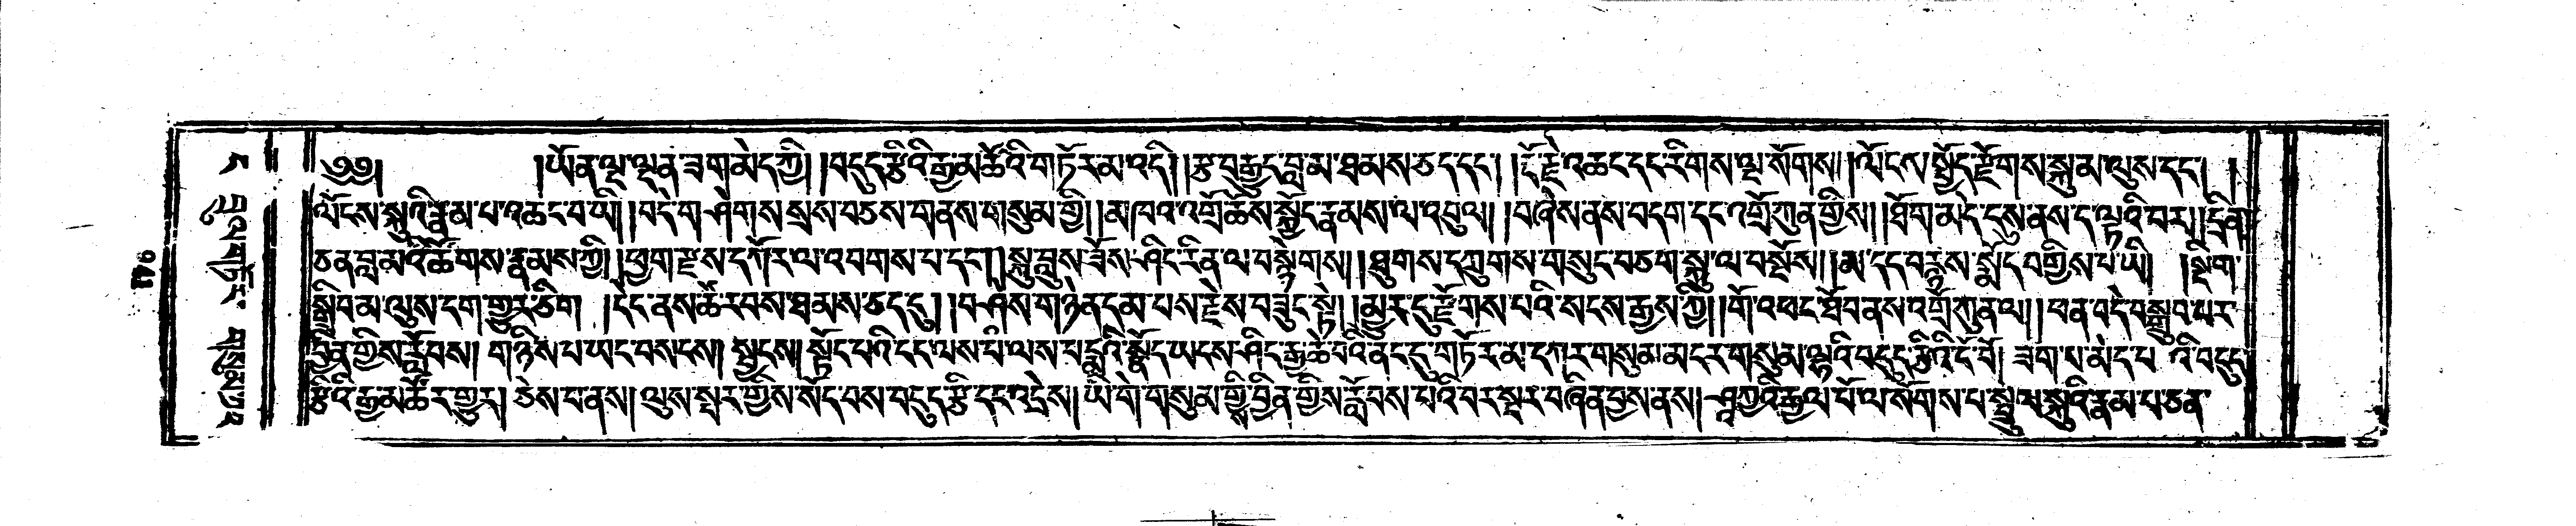༄༅། །ཡོན་ལྔ་ལྡན་ཟག་མེད་ཀྱི། །བདུད་རྩིའི་རྒྱ་མཚོའི་གཏོར་མ་འདི། །རྩ་བརྒྱུད་བླ་མ་ཐམས་ཅད་དང་། །རྡོ་རྗེ་འཆང་དང་རིགས་ལྔ་སོགས། །ལོངས་སྤྱོད་རྫོགས་སྐུ་མ་ལུས་དང་། །
ལོངས་སྐུའི་རྣམ་པ་འཆང་བ་ཡི། །བདེ་གཤེགས་སྲས་བཅས་གནས་གསུམ་གྱི། །མཁའ་འགྲོ་ཆོས་སྐྱོང་རྣམས་ལ་འབུལ། །བཞེས་ནས་བདག་དང་འགྲོ་ཀུན་གྱིས། །ཐོག་མེད་དུས་ནས་ད་ལྟའི་བར། །དྲིན་
ཅན་བླ་མའི་ཚོགས་རྣམས་ཀྱི། །ཕྱག་རྫས་དཀོར་ལ་འབགས་པ་དང་། །སྐུ་བླུས་ཟོས་ཤིང་རིན་ལ་བསྙེགས། །ཐུགས་དཀྲུགས་གསུང་བཅག་སྐུ་ལ་བསྔོས། །མ་དང་བརྙས་སྨོད་བགྱིས་པ་ཡི། །སྡིག་
སྒྲིབ་མ་ལུས་དག་གྱུར་ཅིག །དེང་ནས་ཚེ་རབས་ཐམས་ཅད་དུ། །བཤེས་གཉེན་དམ་པས་རྗེས་བཟུང་སྟེ། །མྱུར་དུ་རྫོགས་པའི་སངས་རྒྱས་ཀྱི། །གོ་འཕང་ཐོབ་ནས་འགྲོ་ཀུན་ལ། །ཕན་བདེ་བསྒྲུབ་པར་
བྱིན་གྱིས་རློབས། གཉིས་པ་ཡང་བསངས། སྦྱངས། སྟོང་པའི་ངང་ལས་པཾ་ལས་པདམའི་སྣོད་ཡངས་ཤིང་རྒྱ་ཆེ་བའི་ནང་དུ་གཏོར་མ་དཀར་གསུམ་མངར་གསུམ་ལྷའི་བདུད་རྩིའི་ངོ་བོ། ཟག་པ་མེད་པའི་བདུད་
རྩིའི་རྒྱ་མཚོར་གྱུར། ཅེས་པ་ནས། ལུས་སྤར་གྱིས་སོང་བས་བདུད་རྩི་དང་འདྲེས། ཡི་གེ་གསུམ་གྱིས་བྱིན་གྱིས་རློབས་པའི་བར་སྔར་བཞིན་བྱས་ནས། ཤཱཀྱའི་རྒྱལ་པོ་ལ་སོགས་པ་སྤྲུལ་སྐུའི་རྣམ་པ་ཅན་